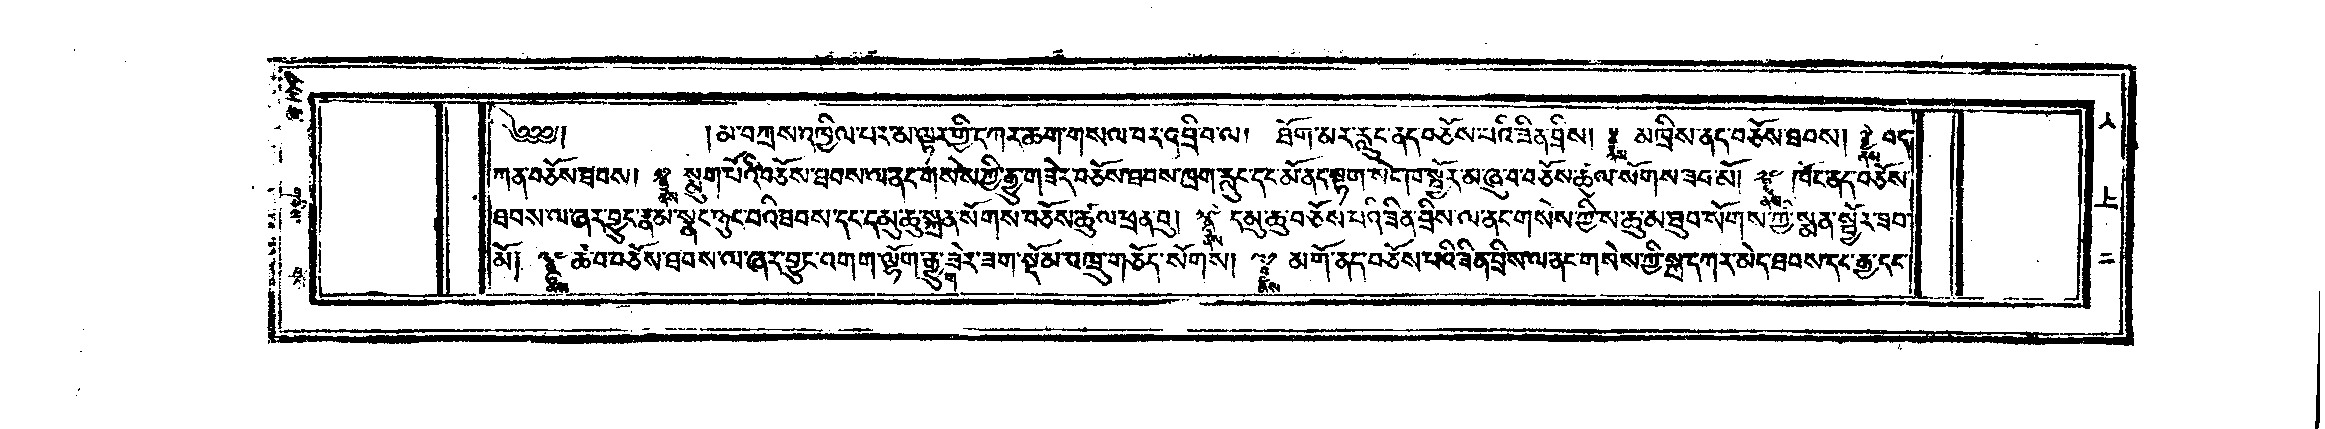༄༅༅། །མ་བཀྲས་འཁྱིལ་པར་མ་ལྟར་གྱི་དཀར་ཆག་གསལ་བར་འབྲི་བ་ལ། ཐོག་མར་རླུང་ནད་བཅོས་པའི་ཟིན་བྲིས། ༥ན༤ནས?་མཁྲིས་ནང་བཅོས་ཐབས། ༧བ༤ནས?་བད?
ཀན་བཅོས་ཐབས། ༡༡ན༤?ནས་སྨུག་པོའི་བཅོས་ཐབས་ལ་ནང་གསེས་ཀྱི་རྒྱུ་གཟེར་བཅོས་ཐབས་ཁྲག་རླུང་དང་མོ་ནད་སྟག་སེང་ཁ་སྦྱོར་མ་ཞུ་བ་བཅོས་ཚུལ་སོགས་ཟབ་མོ། ༡༤བ?ནས་ཁང་ནད་བཅོས་
ཐབས་ལ་ཞར་བྱུང་རྣམ་སྣང་ཉུང་བའི་ཐབས་དང་དམུ་ཆུ་སྐྲན་སོགས་བཅོས་ཚུལ་ཕྲན་བུ། ༡༧ན༦?ནས་དམུ་ཆུ་བཅོས་པའི་ཟིན་བྲིས་ལ་ནང་གསེས་ཀྱི་ས་ཆུ་མ་ཐུབ་སོགས་ཀྱི་སྨན་སྦྱོར་ཟབ་
མོ༑ ༢༤ན༦?ནས་ཚ་བ་བཅོས་ཐབས་ལ་ཞར་བྱུང་འགག་ལྷོག་རྒྱུ་གཟེར་ཟག་སྡོམ་འཁྲུ་གཅོད་སོགས། ༣༡བ༤?ནས་མགོ་ནད་བཅོས་པའི་ཟིན་བྲིས་ལ་ནང་གསེས་ཀྱི་སྐྲ་དཀར་མེད་ཐབས་དང་རྒྱ་དང་